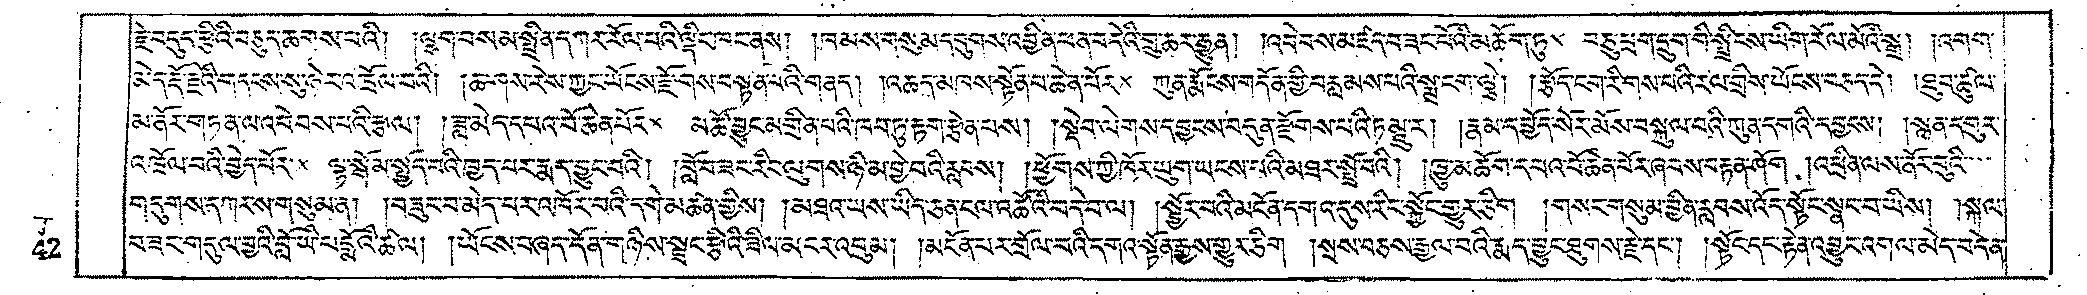རྗེ་བདུད་རྩིའི་བཅུད་ཆགས་པའི། །ལྷག་བསམ་སྤྲིན་དཀར་རོལ་པའི་ལྡིང་ཁང་ནས། །ཁམས་གསུམ་དབུགས་འབྱིན་ཕན་བདེའི་གྲུ་ཆར་རྒྱུན། །འབེབས་མཛད་བཟང་པོའི་མཆོག་ཏུ་྾་བཅུ་ཕྲག་དྲུག་གི་སྤྲིངས་ཡིག་རོལ་མོའི་སྒྲ། །འགག་
མེད་རྡོ་རྗེའི་གདངས་སུ་ཉེར་འཁྲོལ་བའི། །ཆ་ཤས་རེས་ཀྱང་ཡོངས་རྫོགས་བསྟན་པའི་གནད། །འཆད་མཁས་སྟོན་པ་ཆེན་པོར་྾་ཀུན་རྨོངས་གདོན་གྱི་བརླམས་པའི་སྨྲ་ངག་ལྕེ། །རྩོད་ངག་རིགས་པའི་རལ་གྲིས་ཡོངས་བཅད་དེ། །ཐུབ་ཚུལ་
མ་ནོར་གཏན་ལ་འབེབས་པའི་རྩལ། །ཟླ་མེད་དཔའ་བོ་ཆེན་པོར་྾་མཚོ་བྱུང་མགྲིན་པའི་ཁབ་ཏུ་རྟག་རྩེན་པས། །སྡེབ་ལེགས་དབྱངས་བདུན་རྫོགས་པའི་ཏམྦུ་ར། །རྣམ་དཔྱོད་སོར་མོས་བསྐུལ་པའི་ཀུན་དགའི་དབྱངས། །སྙན་དགུར་
འཁྲོལ་བའི་བྱེད་པོར་྾་ལྟ་སྒོམ་སྤྱོད་པའི་ཁྱད་པར་རྨད་བྱུང་བའི། །བློ་བཟང་རིང་ལུགས་ཉི་མ་བྱེ་བའི་རླབས། །ཕྱོགས་ཀྱི་ཁོར་ཡུག་ཡངས་པའི་མཐར་སྤྲོ་བའི། །ཁྱུ་མཆོག་དཔའ་བོ་ཆེན་པོར་ཞབས་བརྟན་ཤོག །འཕྲིན་ལས་ནོར་བུའི་་་
གདུགས་དཀར་ས་གསུམ་ན། །བཟུང་བ་མེད་པར་འཁོར་བའི་དགེ་མཚན་གྱིས། །མཐའ་ཡས་ཡིད་ཅན་ངལ་འཚོའི་བདེ་བ་ལ། །སྦྱོར་བའི་མངོན་དགའ་དུས་རིང་སྐྱོང་གྱུར་ཅིག །གསང་གསུམ་བྱིན་རླབས་འོད་སྟོང་སྣང་བ་ཡིས། །སྐལ་
བཟང་གདུལ་བྱའི་བློ་ཡི་པདམོའི་ཚལ། །ཡོངས་བཞད་དོན་གཉིས་སྦྲང་རྩིའི་ཟིལ་མངར་འབུམ། །མངོན་པར་གྲོལ་བའི་དགའ་སྟོན་རྒྱས་གྱུར་ཅིག །སྲས་བཅས་རྒྱལ་བའི་རྨད་བྱུང་ཐུགས་རྗེ་དང་། །སྟོང་དང་རྟེན་འབྱུང་འགལ་མེད་བདེན་